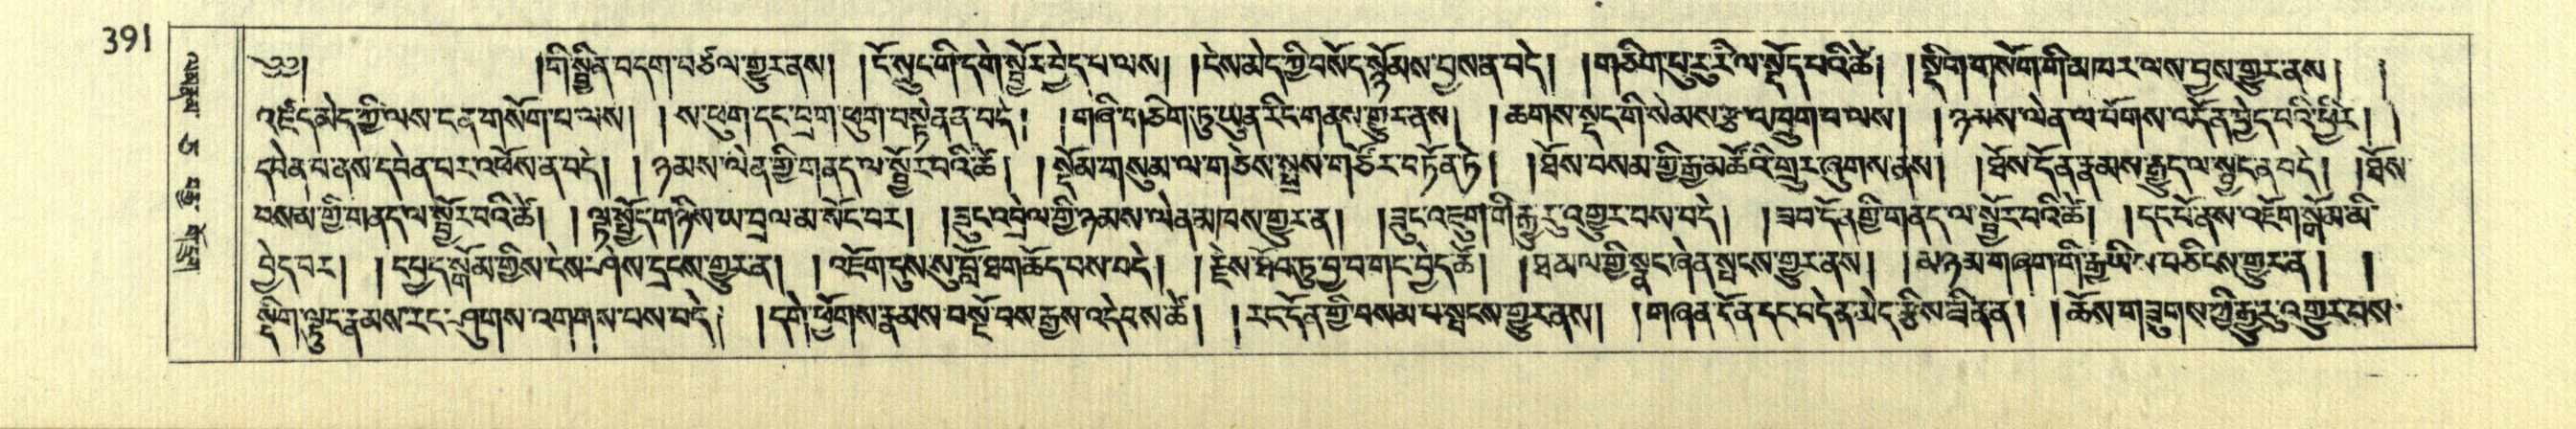༄༅། །གི་སྦྱིན་བདག་བཙལ་གྱུར་ནས། །ངོ་སྲུང་གི་དགེ་སྦྱོར་བྱེད་པ་ལས། །ངེས་མེད་ཀྱི་བསོད་སྙོམས་བྱས་ན་བདེ། །གཅིག་པུ་རུ་རི་ལ་སྡོད་པའི་ཚེ། །སྡིག་གསོག་གི་མཁར་ལས་བྱས་གྱུར་ནས། །
འཛད་མེད་ཀྱི་ལས་ངན་གསོག་པ་ལས། །ས་ཕུག་དང་བྲག་ཕུག་བསྟེན་ན་བདེ། །གཞི་གཅིག་ཏུ་ཡུན་རིང་གནས་གྱུར་ནས། །ཆགས་སྡང་གི་སེམས་རྩ་འཁྲུག་བ་ལས། །ཉམས་ལེན་ལ་བོགས་འདོན་བྱེད་པའི་ཕྱིར། །
དབེན་པ་ནས་དབེན་པར་འཕོས་ན་བདེ། །ཉམས་ལེན་གྱི་གནད་ལ་སྦྱོར་བའི་ཚེ། །སྡོམ་གསུམ་ལ་གཅེས་སྤྲས་གཙོར་བཏོན་ཏེ། །ཐོས་བསམ་གྱི་རྒྱ་མཚོའི་གྲུར་ཞུགས་ནས། །ཐོས་དོན་རྣམས་རྒྱུད་ལ་སྦྱང་ན་བདེ། །ཐོས་
བསམ་གྱི་གནད་ལ་སྦྱོར་བའི་ཚེ། །ལྟ་སྤྱོད་གཉིས་ཡ་བྲལ་མ་སོང་བར། །ཟུང་འབྲེལ་གྱི་ཉམས་ལེན་མཁས་གྱུར་ན། །ཟུང་འཇུག་གི་རྒྱུ་རུ་འགྱུར་བས་བདེ། །ཟབ་དོན་གྱི་གནད་ལ་སྦྱོར་བའི་ཚེ། །དང་པོ་ནས་འཇོག་སྒོམ་མི་
བྱེད་བར། །དཔྱད་སྒོམ་གྱིས་ངེས་ཤེས་དྲངས་གྱུར་ནས། །འཇོག་དུས་སུ་བློ་ཐག་ཆོད་བས་བདེ། །རྗེས་ཐོབ་ཏུ་བྱ་བ་གང་བྱེད་ཆོ། །ཐ་མལ་གྱི་སྣང་ཞེན་སྤངས་གྱུར་ནས། །མཉམ་གཞག་གི་རྒྱ་ཡིས་བཅིངས་གྱུར་ན། །
སྡིག་ལྟུང་རྣམས་རང་ཤུགས་འགགས་པས་བདེ། །དགེ་ཕྱོགས་རྣམས་བསྔོ་བས་རྒྱས་འདེབས་ཚེ། །རང་དོན་གྱི་བསམ་པ་སྤངས་གྱུར་ནས། །གཞན་དོན་དང་བདེན་མེད་རྩིས་ཟིན་ན། །ཆོས་གཟུགས་ཀྱི་རྒྱུ་རུ་འགྱུར་བས་